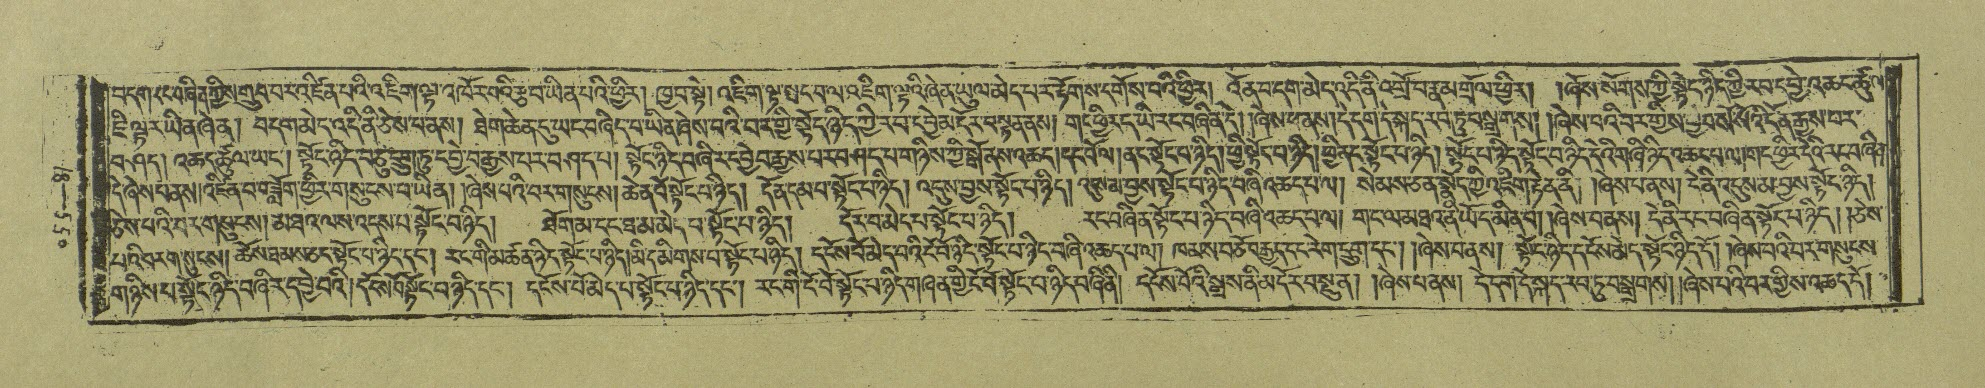བདག་རང་བཞིན་གྱིས་གྲུབ་པར་འཛིན་པའི་འཇིག་ལྟ་འཁོར་བའི་རྩ་བ་ཡིན་པའི་ཕྱིར། ཁྱབ་སྟེ། འཇིག་ལྟ་སྤོང་བ་ལ་འཇིག་ལྟའི་ཞེན་ཡུལ་མེད་པར་རྟོགས་དགོས་པའི་ཕྱིར། འོ་ན་བདག་མེད་འདི་ནི་འགྲོ་བ་རྣམ་གྲོལ་ཕྱིར། །ཞེས་སོགས་ཀྱི་སྟོང་ཉིད་ཀྱི་རབ་དབྱེ་འཆང་ཚུལ་
ཇི་ལྟར་ཡིན་ཞེ་ན། བདག་མེད་འདི་ནི་ཅེས་པ་ནས། ཐེག་ཆེན་དུ་ཡང་བཞེད་པ་ཡིན་ཞེས་པའི་བར་གྱི་སྟོང་ཉིད་ཀྱི་རབ་དབྱེ་མ་ངོར་བསྟན་ནས། གང་ཕྱིར་ད་ཡི་རང་བཞིན་དེ། །ཞེས་པ་ནས། དེ་དག་དེ་སྐད་རབ་ཏུ་བསྒྲགས། །ཞེས་པའི་བར་གྱིས་ཕྱེ་བ་སོ་སོའི་དོན་རྒྱས་པར་
བཤད། འཆད་ཚུལ་ཡང་། སྟོང་ཉིད་བཅུ་དྲུག་ཏུ་དབྱེ་བརྒྱས་པར་བཤད་པ། སྟོང་ཉིད་བཞིར་དབྱེ་བ་རྒྱས་པར་བཤད་པ་གཉིས་ཀྱི་སྒོ་ནས་འཆད། དང་པོ་ལ། ནང་སྟོང་པ་ཉིད། ཕྱི་སྟོང་པ་ཉིད། ཕྱི་ནང་སྟོང་པ་ཉིད། སྟོང་པ་ཉིད་སྟོང་པ་ཉིད་དེའི་གཞི་ཉིད་འཆད་པ་ལ། གང་ཕྱིར་དེའི་རང་བཞིན་
དེ་ཞེས་པ་ནས། འཛིན་པ་བཟློག་ཕྱིར་གསུངས་པ་ཡིན། །ཞེས་པའི་བར་གསུངས། ཆེན་པོ་སྟོང་པ་ཉིད། དོན་དམ་པ་སྟོང་པ་ཉིད། འདུས་བྱས་སྟོང་པ་ཉིད། འདུས་མ་བྱས་སྟོང་པ་ཉིད་བཞི་འཆད་པ་ལ། སེམས་ཅན་སྣོད་ཀྱི་འཇིག་རྟེན་ནི། །ཞེས་པ་ནས། དེ་ནི་འདུས་མ་བྱས་སྟོང་ཉིད། །
ཅེས་པའི་བར་གསུངས། མཐའ་ལས་འདས་པ་སྟོང་པ་ཉིད། ཐོག་མ་དང་ཐ་མ་མེད་པ་སྟོང་པ་ཉིད། དོར་བ་མེད་པ་སྟོང་པ་ཉིད། རང་བཞིན་སྟོང་པ་ཉིད་བཞི་འཆད་པ་ལ། གང་ལ་མཐའ་ནི་ཡོད་མིན་པ། །ཞེས་པ་ནས། དེ་ནི་རང་བཞིན་སྟོང་པ་ཉིད། །ཅེས་
པའི་བར་གསུངས། ཆོས་ཐམས་ཅད་སྟོང་པ་ཉིད་དང་། རང་གི་མཚན་ཉིད་སྟོང་པ་ཉིད། མི་དམིགས་པ་སྟོང་པ་ཉིད། དངོས་པོ་མེད་པའི་ངོ་བོ་ཉིད་སྟོང་པ་ཉིད་བཞི་འཆད་པ་ལ། ཁམས་བཅོ་བརྒྱད་དང་རེག་དྲུག་དང་། །ཞེས་པ་ནས། སྟོང་ཉིད་དངོས་མེད་སྟོང་ཉིད་དོ། །ཞེས་པའི་བར་གསུངས།
གཉིས་པ་སྟོང་ཉིད་བཞིར་དབྱེ་བའི། དངོས་པོ་སྟོང་པ་ཉིད་དང་། དངོས་པོ་མེད་པ་སྟོང་པ་ཉིད་དང་། རང་གི་ངོ་བོ་སྟོང་པ་ཉིད་གཞན་གྱི་ངོ་བོ་སྟོང་པ་ཉིད་བཞི་ནི། དངོས་པོའི་སྒྲས་ནི་མདོར་བསྡུ་ན། །ཞེས་པ་ནས། དེ་དག་དེ་སྐད་རབ་ཏུ་བསྒྲགས། །ཞེས་པའི་བར་གྱིས་འཆད་དོ།།